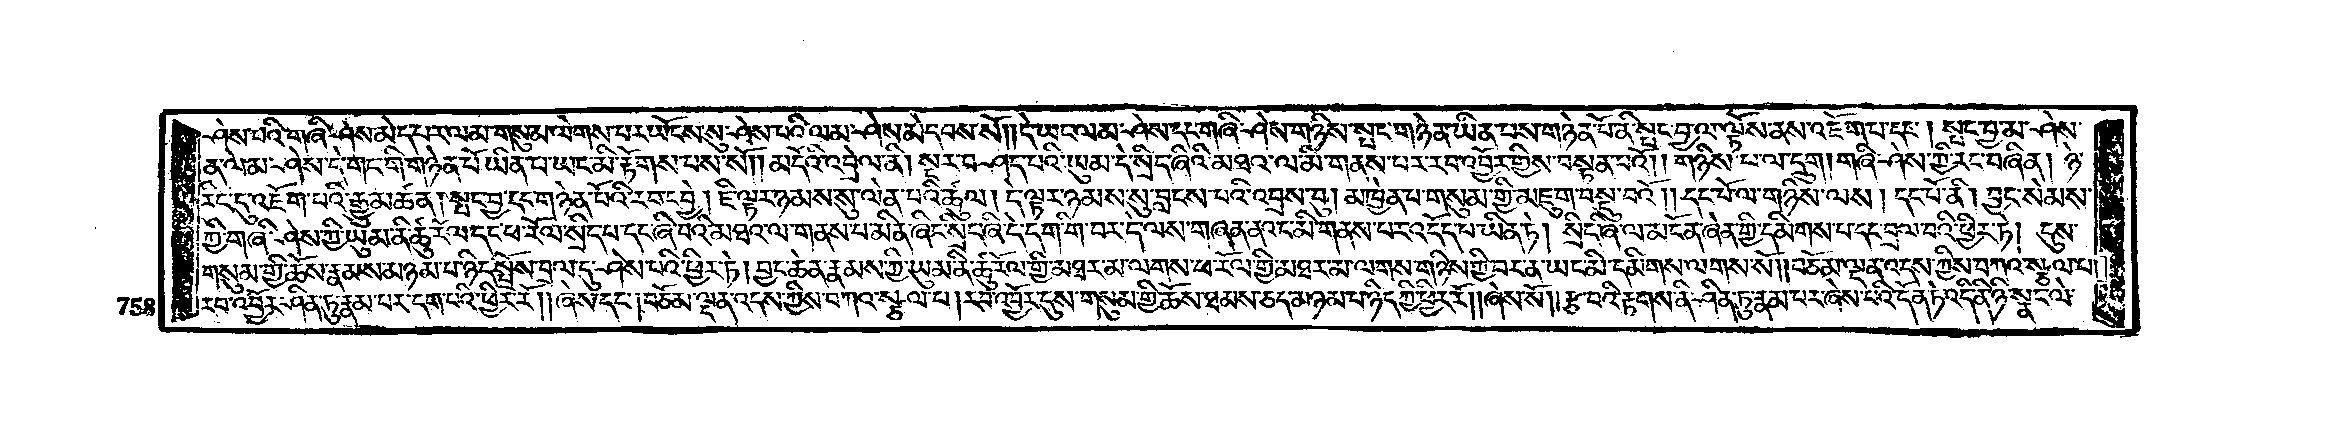ཤེས་པའི་གཞི་ཤེས་མེད་པར་ལམ་གསུམ་ལེགས་པར་ཡོངས་སུ་ཤེས་པའི་ལམ་ཤེས་མེད་པས་སོ། །དེ་ཡང་ལམ་ཤེས་དང་གཞི་ཤེས་གཉིས་སྤང་གཉེན་ཡིན་པས་གཉེན་པོ་ནི་སྤང་བྱ་ལ་ལྟོས་ནས་འཇོག་པ་དང་། སྤང་བྱ་མ་ཤེས་
ན་ལམ་ཤེས་དེ་གང་གི་གཉེན་པོ་ཡིན་པ་ཡང་མི་རྟོགས་པས་སོ། །མདོའི་འབྲེལ་ནི། སྔར་བཤད་པའི་ཡུམ་དེ་སྲིད་ཞིའི་མཐའ་ལ་མི་གནས་པར་རབ་འབྱོར་གྱིས་བསྟན་པའོ། །གཉིས་པ་ལ་དྲུག །གཞི་ཤེས་ཀྱི་རང་བཞིན། ཉེ་
རིང་དུ་འཇོག་པའི་རྒྱུ་མཚན། སྤང་བྱ་དང་གཉེན་པོའི་རབ་དབྱེ། ཇི་ལྟར་ཉམས་སུ་ལེན་པའི་ཚུལ། དེ་ལྟར་ཉམས་སུ་བླངས་པའི་འབྲས་བུ། མཁྱེན་པ་གསུམ་གྱི་མཇུག་བསྡུ་བའོ། །དང་པོ་ལ་གཉིས་ལས། དང་པོ་ནི། བྱང་སེམས་
ཀྱི་གཞི་ཤེས་ཀྱི་ཡུམ་ནི་ཚུ་རོལ་དང་ཕ་རོལ་སྲིད་པ་དང་ཞི་བའི་མཐའ་ལ་གནས་པ་མིན་ཞིང་སྲིད་ཞི་དེ་དག་གི་བར་དེ་ལས་གཞན་ནའང་མི་གནས་པར་འདོད་པ་ཡིན་ཏེ། སྲིད་ཞི་ལ་མངོན་ཞེན་གྱི་དམིགས་པ་དང་བྲལ་བའི་ཕྱིར་ཏེ། དུས་
གསུམ་གྱི་ཆོས་རྣམས་མཉམ་པ་ཉིད་སྤྲོས་བྲལ་དུ་ཤེས་པའི་ཕྱིར་ཏེ། བྱང་ཆེན་རྣམས་ཀྱི་ཡུམ་ནི་ཚུ་རོལ་གྱི་མཐར་མ་ལགས་ཕ་རོལ་གྱི་མཐར་མ་ལགས་གཉིས་ཀྱི་བར་ན་ཡང་མི་དམིགས་ལགས་སོ། །བཅོམ་ལྡན་འདས་ཀྱིས་བཀའ་སྩལ་པ།
རབ་འབྱོར་ཤིན་ཏུ་རྣམ་པར་དག་པའི་ཕྱིར་རོ། །ཞེས་དང་། བཅོམ་ལྡན་འདས་ཀྱིས་བཀའ་སྩལ་པ། རབ་འབྱོར་དུས་གསུམ་གྱི་ཆོས་ཐམས་ཅད་མཉམ་པ་ཉིད་ཀྱི་ཕྱིར་རོ། །ཞེས་སོ། །རྩ་བའི་རྟགས་ནི་ཤིན་ཏུ་རྣམ་པར་ཞེས་པའི་དོན་ཏེ་འདི་ནི་ཉི་སྣང་ལེ་